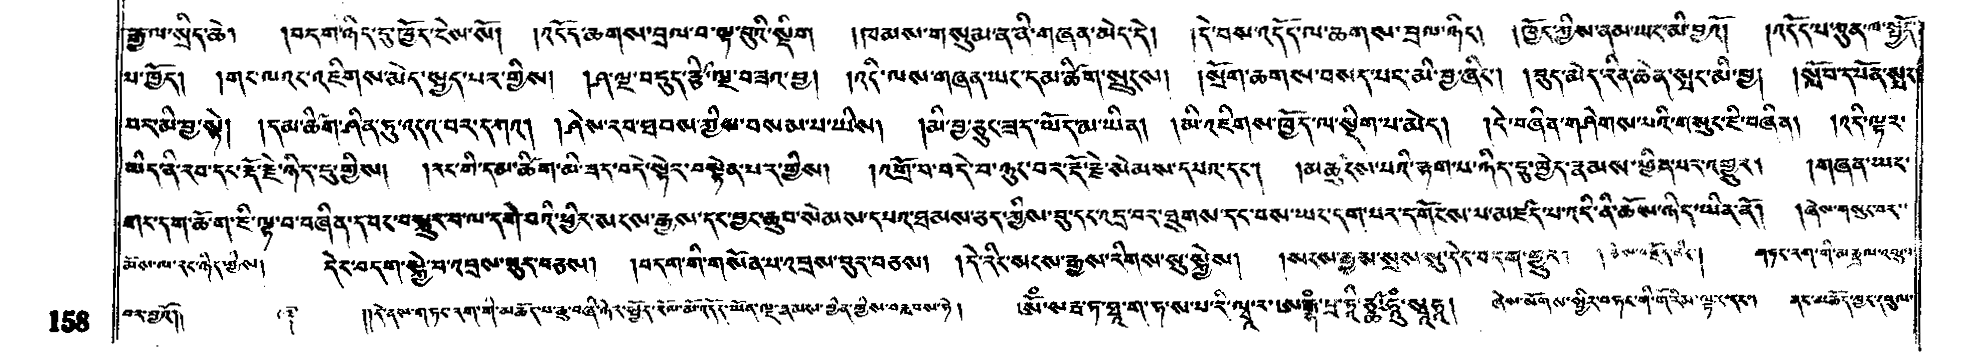རྒྱལ་སྲིད་ཆེ། །བདག་ཉིད་དུ་ཁྱོད་ངེས་སོ། །འདོད་ཆགས་བྲལ་བ་ལྟ་བུའི་སྡིག །ཁམས་གསུམ་ན་ནི་གཞན་མེད་དེ། །དེ་བས་འདོད་ལ་ཆགས་བྲལ་ཉིད། །ཁྱོད་ཀྱིས་ནམ་ཡང་མི་བྱའོ། །འདོད་པ་ཀུན་ལ་སྤྱོད་
པ་ཁྱོད། །གང་ལའང་འཇིགས་མེད་སྤྱད་པར་གྱིས། །ཤ་ལྔ་བདུད་རྩི་ལྔ་བཟའ་བྱ། །འདི་ལས་གཞན་ཡང་དམ་ཚིག་སྲུངས། །སྲོག་ཆགས་བསད་པར་མི་བྱ་ཞིང་། །བུད་མེད་རིན་ཆེན་སྤང་མི་བྱ། །སློབ་དཔོན་སྤང་
བར་མི་བྱ་སྟེ། །དམ་ཚིག་ཤིན་ཏུ་འདའ་བར་དཀའ། །ཤེས་རབ་ཐབས་ཀྱིས་བསམ་པ་ཡིས། །མི་བྱ་ཅུང་ཟད་ཡོད་མ་ཡིན། །མི་འཇིགས་ཁྱོད་ལ་སྡིག་པ་མེད། །དེ་བཞིན་གཤེགས་པའི་གསུང་ཇི་བཞིན། །འདི་ལྟར་
ཡིད་ནི་རབ་དང་རྡོ་རྗེ་ཉིད་དུ་གྱིས། །རང་གི་དམ་ཚིག་མི་ཟད་བདེ་སྟེར་བསྟེན་པར་གྱིས། །འགྲོ་བ་བདེ་བ་ཉུང་བར་རྡོ་རྗེ་སེམས་དཔའ་དང་། །མཚུངས་པའི་རྟག་པ་ཉིད་དུ་ཁྱེད་རྣམས་ཕྱིན་པར་འགྱུར། །གཞན་ཡང་
གང་དག་ཆོ་ག་ཇི་ལྟ་བ་བཞིན་དབང་བསྐུར་བ་ལ་དགེ་བའི་ཕྱིར་སངས་རྒྱས་དང་བྱང་ཆུབ་སེམས་དཔའ་ཐམས་ཅད་ཀྱིས་བུ་དང་འདྲ་བར་ཐུགས་དང་བས་ཡང་དག་པར་དགོངས་པ་མཛད་པ་འདི་ནི་ཆོས་ཉིད་ཡིན་ནོ། །ཞེས་གསུང་བར་
མོས་ལ་རང་ཉིད་ཀྱིས། དེང་བདག་སྐྱེ་བ་འབྲས་བུར་བཅས། །བདག་གི་གསོན་པ་འབྲས་བུར་བཅས། །དེ་རིང་སངས་རྒྱས་རིགས་སུ་སྐྱེས། །སངས་རྒྱས་སྲས་སུ་དེང་བདག་གྱུར། །ཅེས་བརྗོད་ཅིང་། གཏང་རག་གི་མཎྜལ་འབུལ་
བར་བྱའོ།། ༈ །།དེ་ནས་གཏང་རག་གི་མཆོད་པ་ཆུ་བཞི་ཉེར་སྤྱོད་རོལ་མོ་འདོད་ཡོན་ལྔ་རྣམས་བྱིན་གྱིས་བརླབས་ཏེ། ཨོཾ་སརྦ་ཏ་ཐཱ་ག་ཏ་ས་པ་རི་ལྭཱ་ར་ཨརྒྷཾ་པྲ་ཏཱི་ཙྪ་ཧཱུཾ་སྭཱཧཱ། ཞེས་སོགས་སྤྱིར་བཏང་གི་གོ་རིམ་ལྟར་དང་། ནང་མཆོད་ཀྱང་དབུལ